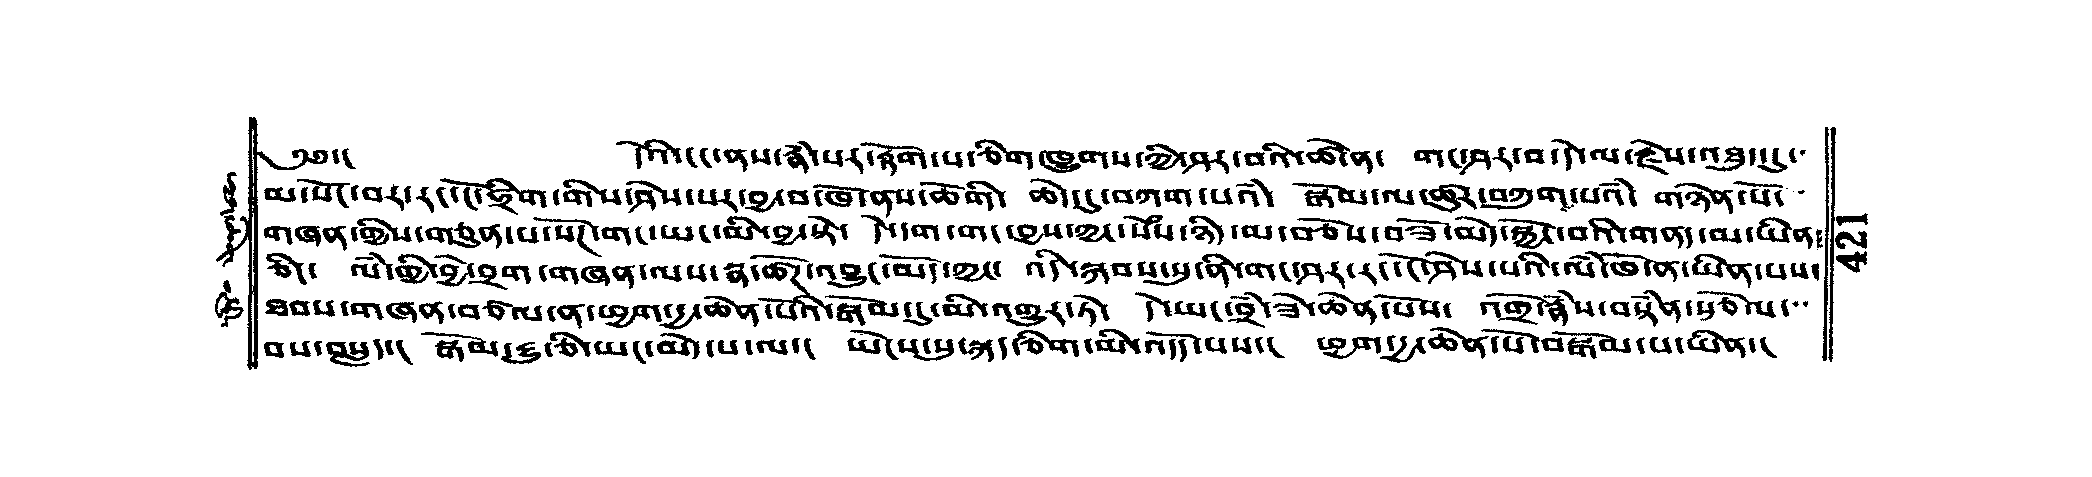དེའི་ངང་ནས་རྣམ་པར་རྟོག་པ་གཅིག་ཁྱུགས་ཀྱི་ཤར་བའི་ཚེ་ན།གང་ཤར་བ་དེ་ལ་རྗེས་འཐུད་དུ་
མ་སོང་བར་རང་ངོ་ཧྲིག་གིས་ཤེས་པར་བྱ་བ་ཁོ་ནས་ཆོག་གི ཆེད་དུ་བཀག་པའམ། སྒོམ་ལ་ཚུར་བཀུག་པའམ། གཉེན་པོ་
གཞན་གྱིས་གཅུན་པ་སོགས་གང་ཡང་མི་བྱ་སྟེ། དེ་དག་གང་བྱས་ཀྱང་སེམས་ཉིད་མ་བཅོས་བཟོ་མེད་སྐྱོང་བའི་གནད་མ་ཡིན་
ཅིང་། ལམ་གྱི་བྱེ་བྲག་གཞན་ལས་སྣ་ཚོགས་འབྱུང་མོད་ཀྱང་། འདི་སྐབས་སུ་ནི་གང་ཤར་རང་ངོ་ཤེས་པའི་ལམ་ཁོ་ན་ཡིན་པས་
ཐབས་གཞན་བཙལ་ན་ཕྱག་རྒྱ་ཆེན་པོའི་སྒོམ་དུ་མི་འགྱུར་ཏེ། དེ་ཡང་བྲམ་ཟེ་ཆེན་པོས། འགྲོ་རྣམས་བསམ་གཏན་རྩོལ་
བས་བསླད། །སྒོམ་རྒྱུ་ཅི་ཡང་མེད་པ་ལ། །ཡེངས་སུ་སྐད་ཅིག་མི་འདོད་པས། །ཕྱག་རྒྱ་ཆེན་པོ་བསྒོམ་པ་ཡིན།